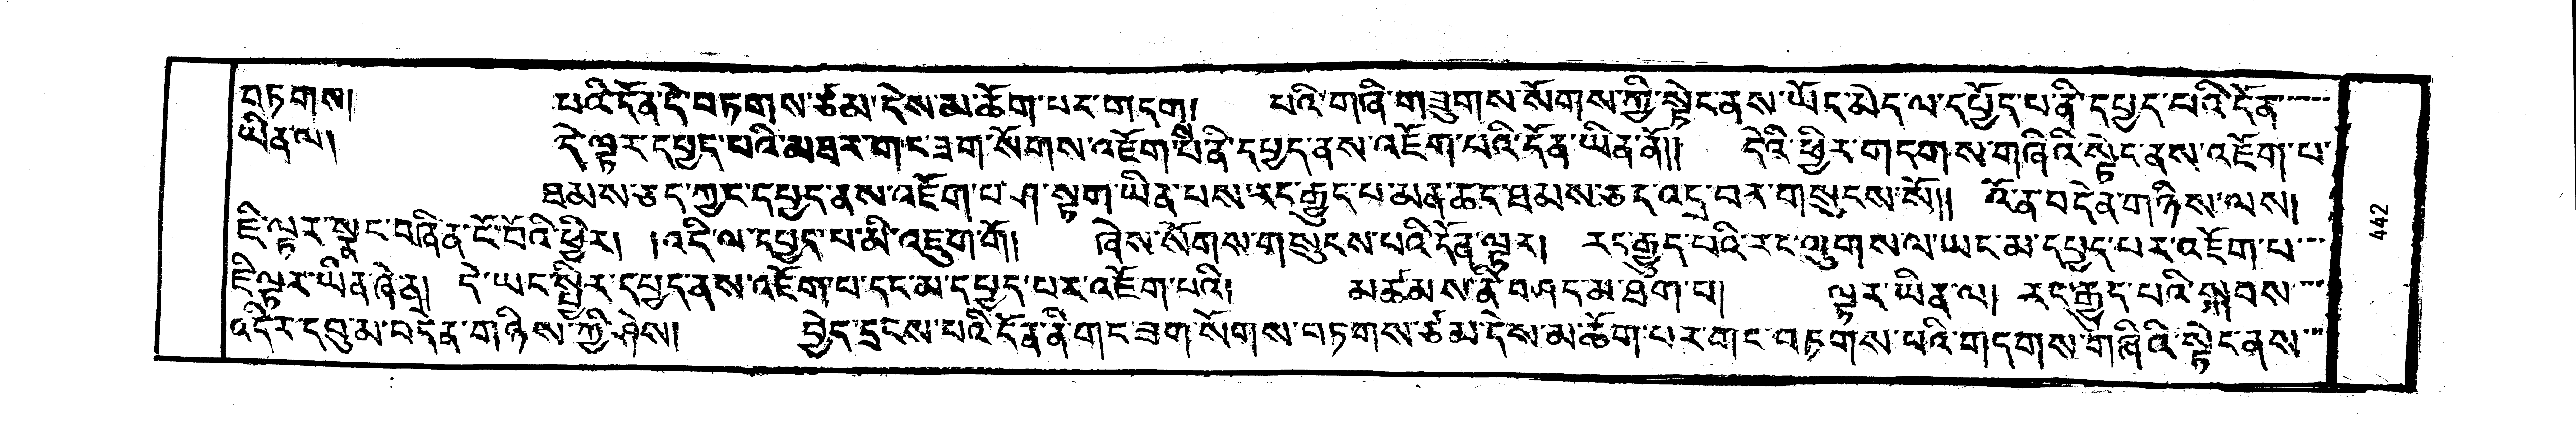བཏགས། པའི་དོན་དེ་བཏགས་ཙམ་དེས་མ་ཆོག་པར་གདག། པའི་གཞི་གཟུགས་སོགས་ཀྱི་སྟེང་ནས་ཡོད་མེད་ལ་དཔྱོད་པ་ནི་དཔྱད་པའི་དོན་
ཡིན་ལ། དེ་ལྟར་དཔྱད་པའི་མཐར་གང་ཟག་སོགས་འཇོག་པ་ནི་དཔྱད་ནས་འཇོག་པའི་དོན་ཡིན་ནོ།། དེའི་ཕྱིར་གདགས་གཞིའི་སྟེང་ནས་འཇོག་པ་
ཐམས་ཅད་ཀྱང་དཔྱད་ནས་འཇོག་པ་ཤ་སྟག་ཡིན་པས་རང་རྒྱུད་པ་མན་ཆད་ཐམས་ཅད་འདྲ་བར་གསུངས་སོ།། འོ་ན་བདེན་གཉིས་ལས།
ཇི་ལྟར་སྣང་བཞིན་ངོ་བོའི་ཕྱིར། །འདི་ལ་དཔྱད་པ་མི་འཇུག་གོ། ཞེས་སོགས་གསུངས་པའི་དོན་ལྟར། རང་རྒྱུད་པའི་རང་ལུགས་ལ་ཡང་མ་དཔྱད་པར་འཇོག་པ་
ཇི་ལྟར་ཡིན་ཞེ་ན། དེ་ཡང་སྤྱིར་དཔྱད་ནས་འཇོག་པ་དང་མ་དཔྱད་པར་འཇོག་པའི། མཚམས་ནི་བཤད་མ་ཐག་པ། ལྟར་ཡིན་ལ། རང་རྒྱུད་པའི་སྐབས་
འདིར་དབུ་མ་བདེན་གཉིས་ཀྱི་ཤེས། བྱེད་དྲངས་པའི་དོན་ནི་གང་ཟག་སོགས་བཏགས་ཙམ་དེས་མ་ཆོག་པར་གང་བཏགས་པའི་གདགས་གཞིའི་སྟེང་ནས་